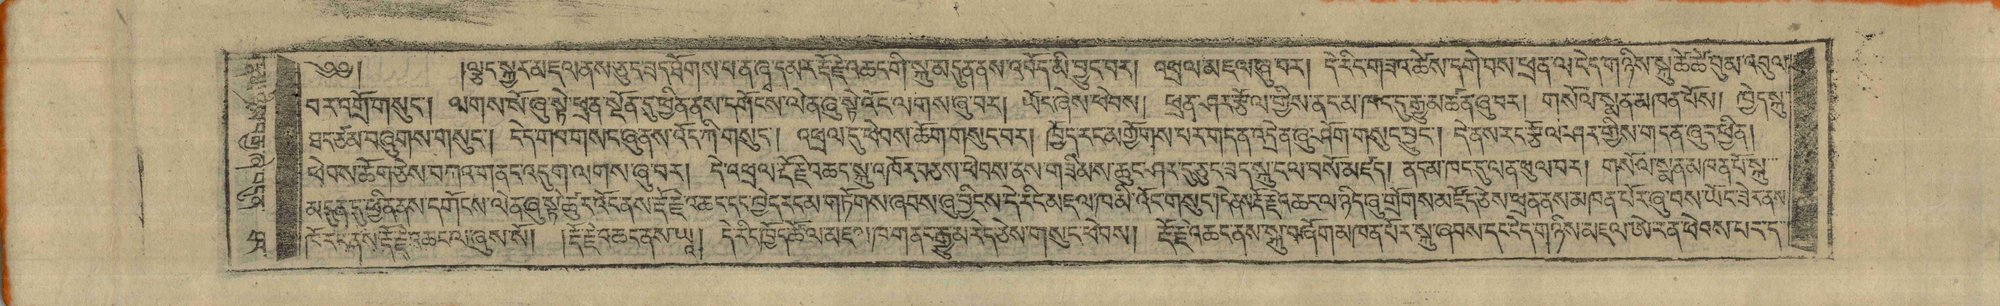༄༅། །ལྕང་སྐྱར་མཇལ་ནས་ཅུང་ཟད་ཐོགས་པ་ན་ཞྭ་དམར་རྡོ་རྗེ་འཆང་གི་སྐུ་མདུན་ནས་འབོད་མི་བྱུང་བར། འཕྲལ་མཇལ་ཞུ་བར། དེ་རིང་གཟའ་ཚེས་དགེ་བས་ཕྲན་ལ་ངེད་གཉིས་སྐུ་ཚེ་ཚེ་བུམ་འབུལ་
བར་འགྲོ་གསུང་། ལགས་སོ་ཞུ་སྟེ་ཕྲན་སྔོན་དུ་ཕྱིན་ནས་དགོངས་ལེན་ཞུ་སྟེ་འོང་ལགས་ཞུ་བར། ཡོང་ཞེས་ཕེབས། ཕྲན་ཤར་རྩོལ་གྱིས་ནང་མ་ཁང་དུ་རྒྱུ་མཚན་ཞུ་བར། གསོལ་སྨན་མཁན་པོས། ཁྱེད་སྐུ་
ཐང་ཙམ་བཞུགས་གསུང་། ངེད་གབ་གསང་ཞུ་ནས་འོད་ཀི་གསུང་། འཕྲལ་དུ་ཕེབས་ཆོག་གསུང་བར། ཁྱོད་རང་མགྱོགས་པར་གདན་འདྲེན་ཞུ་ཤོག་གསུང་བྱུང་། དེ་ནས་རང་རྩོལ་ཤར་གྱིས་གདན་ཞུར་ཕྱིན།
ཕེབས་ཆོག་ཅེས་བཀའ་གནང་འདུག་ལགས་ཞུ་བར། དེ་འཕྲལ་རྡོ་རྗེ་འཆང་སྐུ་འཁོར་བཅས་ཕེབས་ནས་གཟིམས་ཆུང་ཤར་དུ་ཅུང་ཟད་སྐུ་ངལ་བསོ་མཛད། ནང་མ་ཁང་དུ་ལན་ཕུལ་བར། གསོལ་སྨན་མཁན་པོ་སྐུ་
མདུན་དུ་ཕྱིན་ནས་དགོངས་ལེན་ཞུ་སྟེ་ཚུར་འོང་ནས་རྡོ་རྗེ་འཆང་དང་ཁྱེད་རང་མ་གཏོགས་ཞབས་ཞུ་བྱིངས་དེ་རིང་མཇལ་ཁ་མི་འོང་གསུང་། དེ་ནས་རྡོ་རྗེ་འཆང་ལ་ཉིད་ཞུ་གྲོགས་མཛོད་ཅེས་ཕྲན་ནས་མཁན་པོར་ཞུ་བས་ཡོང་ཟེར་ནས་
ཁོ་རང་ནས་རྡོ་རྗེ་འཆང་ལ་ཞུས་སོ། །རྡོ་རྗེ་འཆང་ནས་ཡཱ། དེ་རིང་ཁྱོད་ཚོ་ལ་མཇལ་ཁ་གནང་རྒྱུ་མ་རེད་ཅེས་གསུང་ཕེབས། རྡོ་རྗེ་འཆང་ནས་སྐུ་བཞོག་མཁན་པོར་སྐུ་ཞབས་དང་ངེད་གཉིས་མཇལ་ཨེ་རན་ཕེབས་པར་ད་